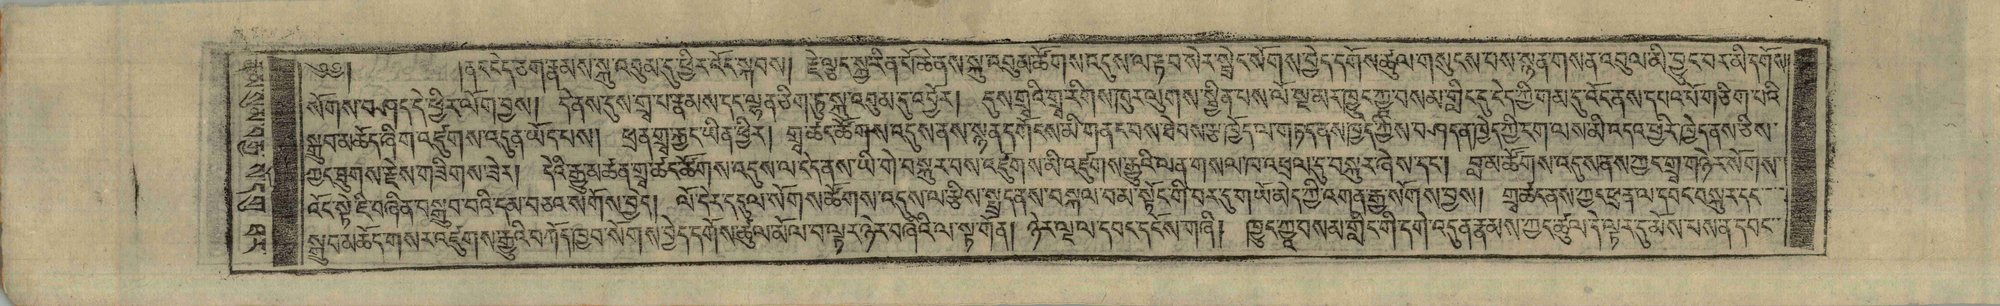༄༅། །ནང་ངེད་ཅག་རྣམས་སྐུ་འབུམ་དུ་ཕྱིར་འོང་སྐབས། རྗེ་ལྕང་སྐྱ་རིན་པོ་ཆེ་ནས་སྐུ་འབུམ་ཚོགས་འདུས་ལ་རྟ་བ་སེར་སྦྲེང་སོགས་བྱེད་དགོས་ཚུལ་གསུངས་པས་སྙན་གསན་འབུལ་མི་བྱུང་བར་མི་དགོས་
སོགས་བཤད་དེ་ཕྱིར་ལོག་བྱས། དེ་ནས་དུས་གྲྭ་པ་རྣམས་དང་ལྷན་ཅིག་ཏུ་སྐུ་འབུམ་དུ་འབྱོར། དུས་གྲྭའི་གྲྭ་རིགས་ཁུར་ལུགས་སྦྱིན་པས་ལོ་སྔ་མར་ཁྱུང་ཀྱཱ་བསམ་གླིང་དུ་ངེད་ཀྱི་གམ་དུ་འོང་ནས་དཔའ་བོ་གཅིག་པའི་
སྒྲུབ་མཆོད་ཞིག་འཛུགས་འདུན་ཡོད་པས། ཕྲན་གྲྭ་རྐྱང་ཡིན་ཕྱིར། གྲྭ་ཚང་ཚོགས་འདུས་ནས་སྙན་དགོངས་མི་གནང་བས་ཐེབས་རྩ་ཁྱོད་ལ་གཏད་ནས་ཁྱེད་ཀྱིས་བཤད་ན་ཁྱེད་ཀྱི་ངག་ལས་མི་འདའ་ཕྱིར་ཁྱེད་ནས་ཅིས་
ཀྱང་ཐུགས་རྗེས་གཟིགས་ཟེར། དེའི་རྒྱུ་མཚན་གྲྭ་ཚང་ཚོགས་འདུས་ལ་ངེད་ནས་ཡི་གེ་བསྐུར་བས་འཛུགས་མི་འཛུགས་རྒྱུའི་ལན་གསལ་ཁ་འཕྲལ་དུ་བསྐུར་ཞེས་དང་། བླ་མ་ཚོགས་འདུས་ནས་ཀྱང་གྲྭ་གཉེར་སོགས་
འོང་སྟེ་ཇི་བཞིན་བསྒྲུབ་པའི་དམ་བཅའ་སོགས་བྱེད། ལོ་དེར་དངུལ་སོགས་ཚོགས་འདུས་ལ་རྩིས་སྤྲད་ནས་བསྐལ་བ་མ་སྟོང་གི་བར་དུ་གཡོ་མེད་ཀྱི་འགན་རྒྱ་སོགས་བྱས། གྲྭ་ཚང་ནས་ཀྱང་ཕྲན་ལ་དབང་བསྐུར་དང་
སྒྲུབ་མཆོད་གསར་འཛུགས་རྒྱུའི་བཀོད་ཁྱབ་སོགས་བྱེད་དགོས་ཚུལ་མོལ་བ་ལྟར་ཉེར་བཞིའི་ལ་སྟ་གོན། ཉེར་ལྔ་ལ་དབང་དངོས་གཞི། ཁྱུད་ཀྱཱ་བསམ་གླིང་གི་དགེ་འདུན་རྣམས་ཀྱང་ཚུལ་དེ་ལྟར་དུ་མོས་པས་ན་དབང་